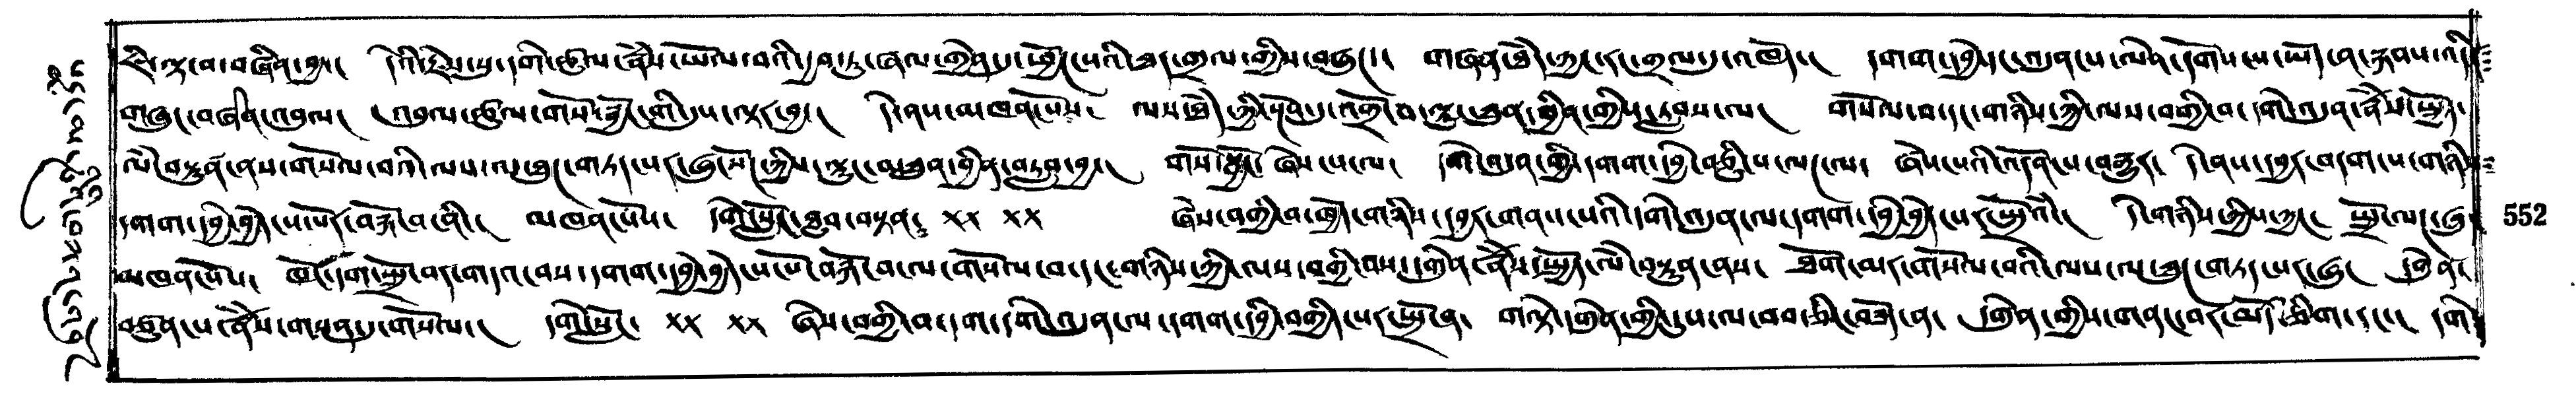ཇི་ལྟ་བ་བཞིན་བྱས། དེའི་རྗེས་སུ་དགེ་ཚུལ་རྣམས་ཡོལ་བའི་རྒྱབ་ཏུ་ཞལ་གྱེན་དུ་ཕྱོགས་པའི་ཐད་གྲལ་གྱིས་བཞུགས། གཞན་ཐམས་ཅད་ཀྱང་རང་གྲལ་དུ་འཁོད། དགག་དབྱེ་དང་འདུན་པ་ལེན་དགོས་པ་ཡོད་ན་སྐབས་འདིར། 
གཞུང་བཞིན་འབུལ། འབུལ་ཚུལ་གསོ་སྦྱོང་གི་དུས་ལྟར་བྱ། དེ་ནས་མཁན་པོས། ལས་ཐམས་ཅད་ཀྱི་སྔོན་དུ་འགྲོ་བ་ལྟུང་ཐུན་བྱིན་གྱིས་བརླབ་པ་ལ། གསོལ་བ་དང་གཉིས་ཀྱི་ལས་བགྱི་བར་དགེ་འདུན་རྣམས་སྤྱོད་
ལམ་བསྟུན་ནས་གསོལ་བའི་ལས་ལ་ཐུགས་གཏད་པར་ཞུ་སོགས་ཀྱིས་ལྟུང་མཐུན་བྱིན་བརླབས་བྱ།གསོ་སྦྱོང་ཞེས་པ་ལ་དགེ་འདུན་གྱི་དགག་དབྱེ་བཅུ་བཞི་པ་ལགས་ལ་ཞེས་པའི་འདོན་པ་བསྒྱུར། དེ་ནས་དབྱར་བདག་པ་གཉིས། 
དགག་དབྱེ་བྱེད་པ་པོར་བསྐོ་བ་ནི། མཁན་པོས། དགེ་སློང་ཐུབ་བསྟན། ཞེས་བགྱི་བ་ཁྱོད་གཉིས་དབྱར་གནས་པའི་དགེ་འདུན་ལ་དགག་དབྱེ་བྱེད་པར་སྤྲོའམ། དེ་གཉིས་ཀྱིས་ཀྱང་སྤྲོ་ལགས་ཞུ། 
མཁན་པོས། ཁོང་དག་སྤྲོ་བར་གདའ་བས་དགག་དབྱེ་བྱེད་པ་པོ་བསྐོ་བ་ལ་གསོལ་བ་དང་གཉིས་ཀྱི་ལས་བགྱི་བས་དགེ་འདུན་རྣམས་སྤྱོད་ལམ་བསྟུན་ནས། ཐོག་མར་གསོལ་བའི་ལས་ལ་ཐུགས་གཏད་པར་ཞུ། དགེ་འདུན་
བཙུན་པ་རྣམས་གསན་དུ་གསོལ། དགེ་སློང་ xx xx ཞེས་བགྱི་བ་དག་དགེ་འདུན་ལ་དགག་དབྱེ་བགྱི་པར་སྤྲོ་ན། གལ་ཏེ་དགེ་འདུན་གྱིས་དུས་ལ་བབ་ཅིང་བཟོད་ན། དགེ་འདུན་གྱིས་གནང་བར་མཛོད་ཅིག་དང་། དགེ་